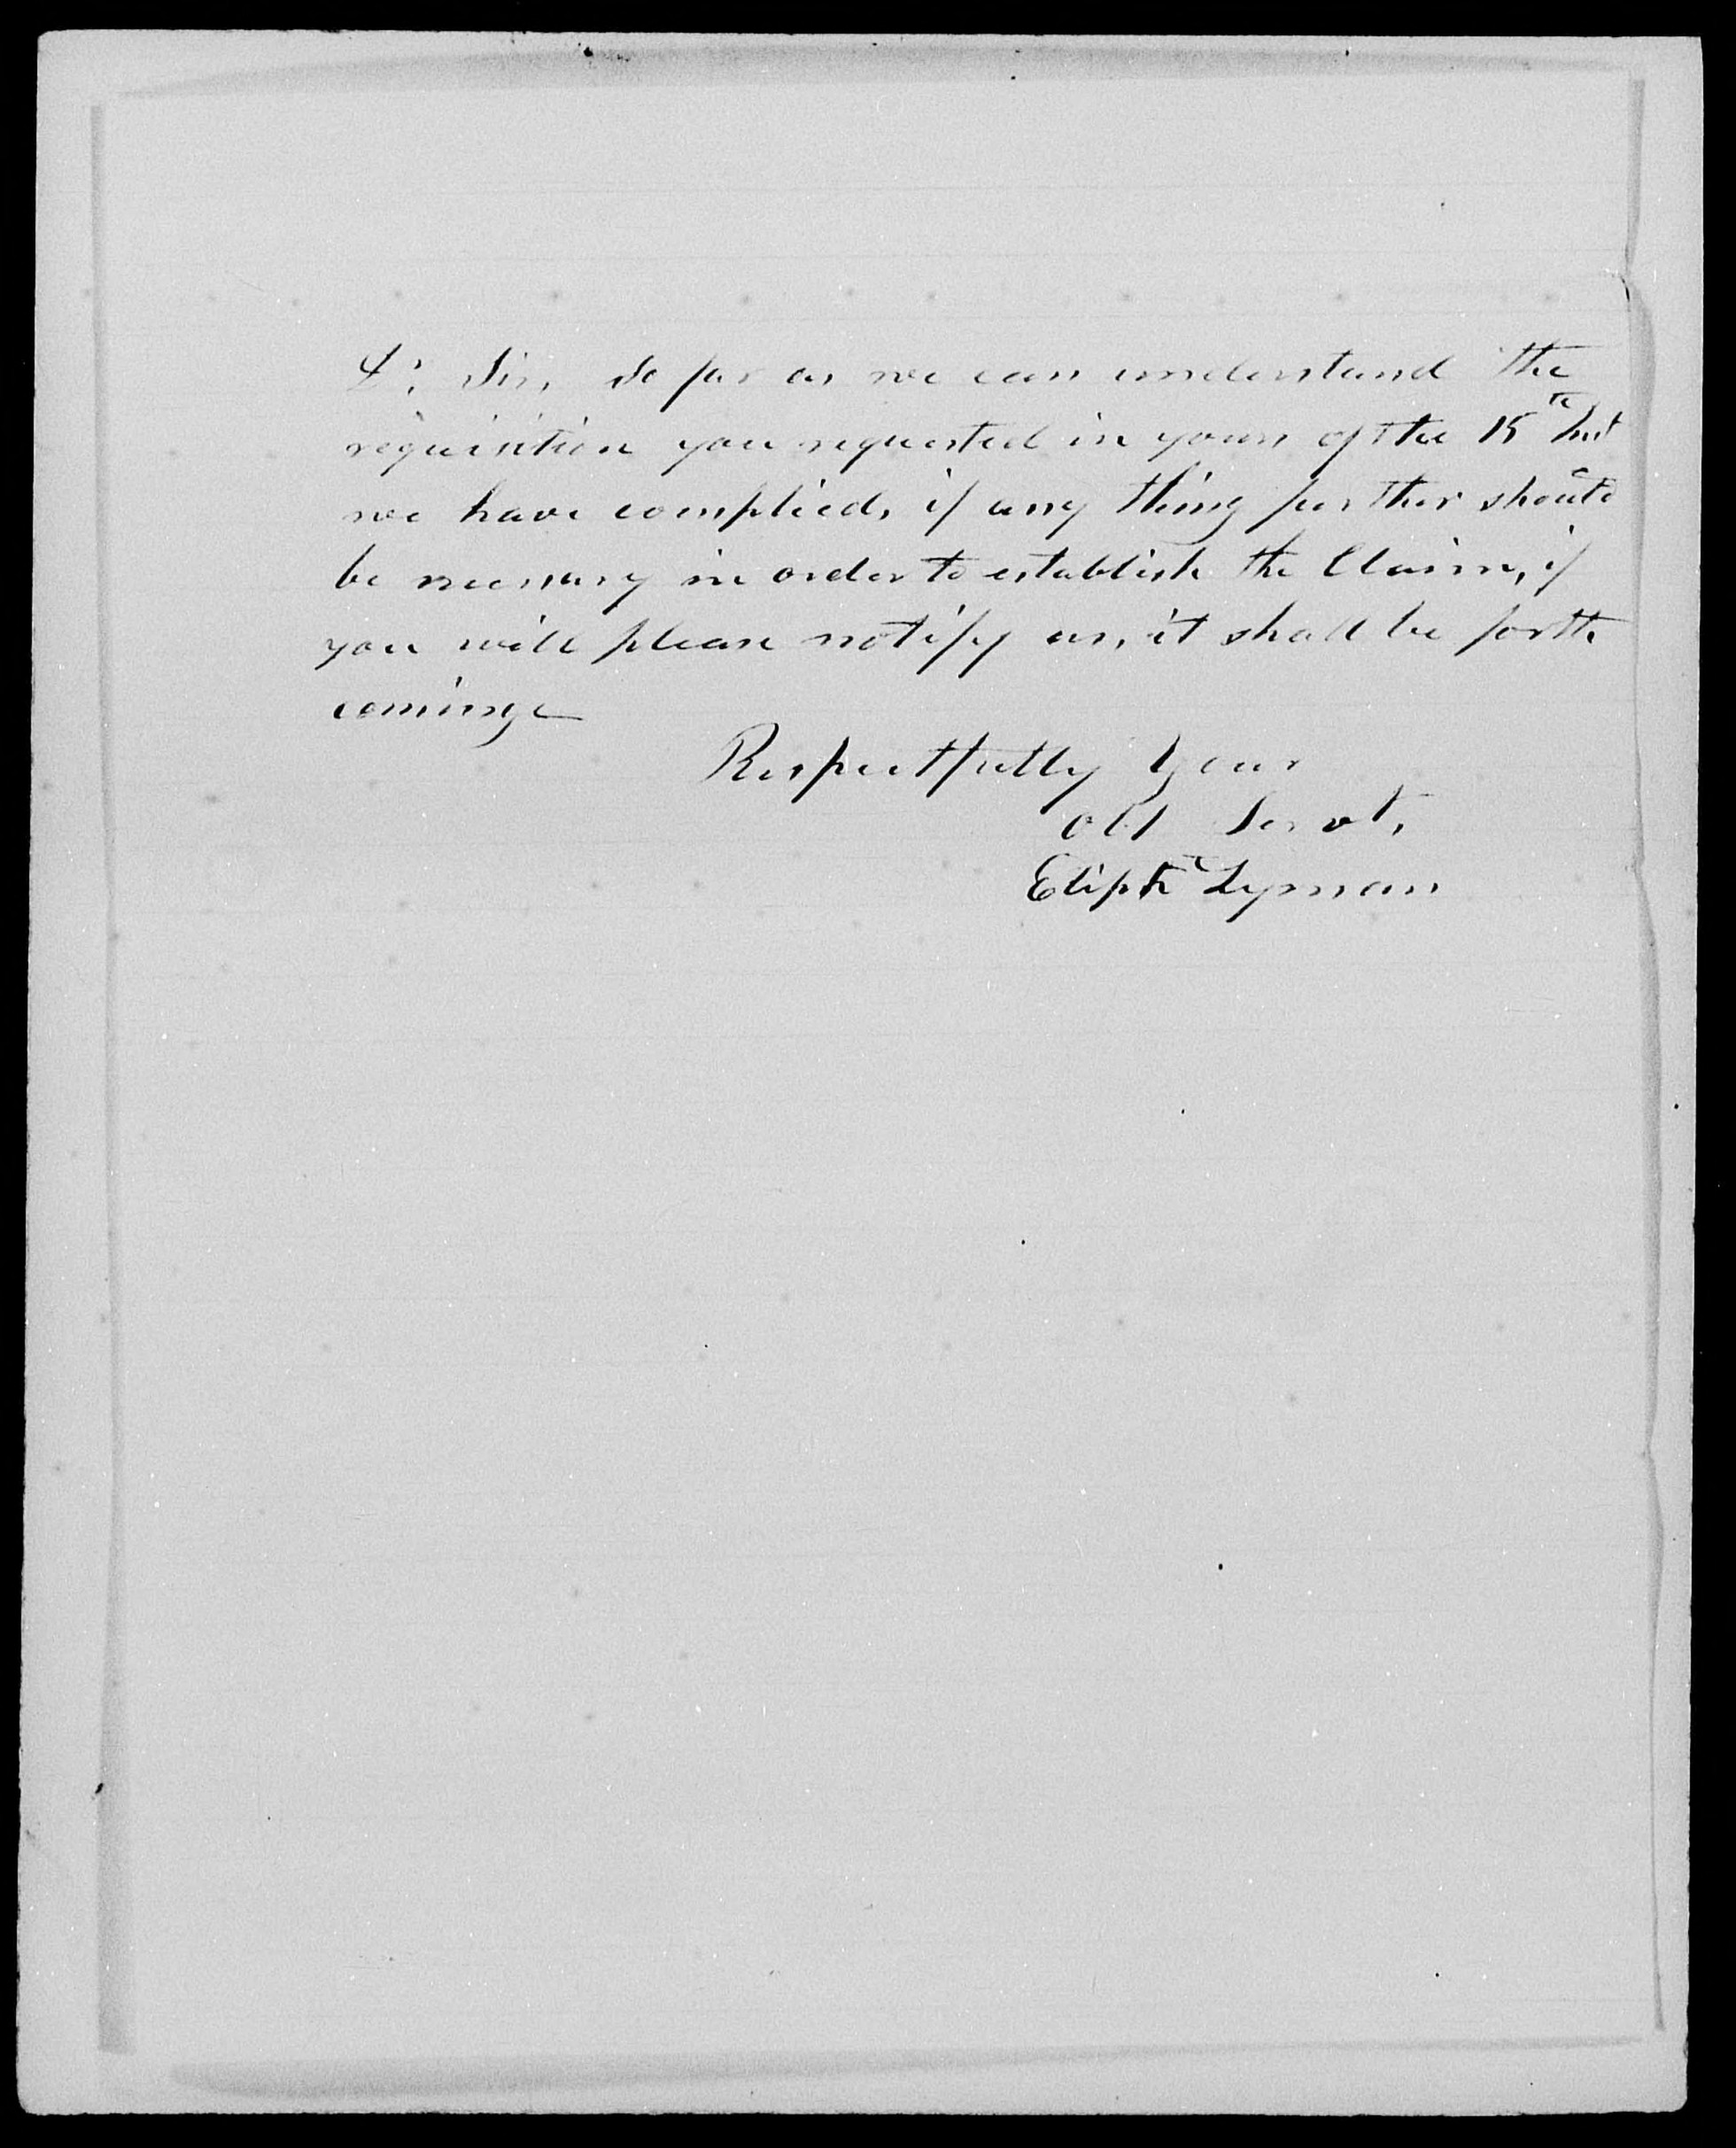D: Sir, So far as we can understand the requisition you requested in yours of the 15th but we have complied, if any thing further should be necessary in order to establish the Claim, you will please notify us shall be forth coming.  
Respectfully yours
Obl Senate
Eliph Lyman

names: Eliph Lyman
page: 15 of 59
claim: widow's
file: W. 23017, Richard Clair Everett, Mass.